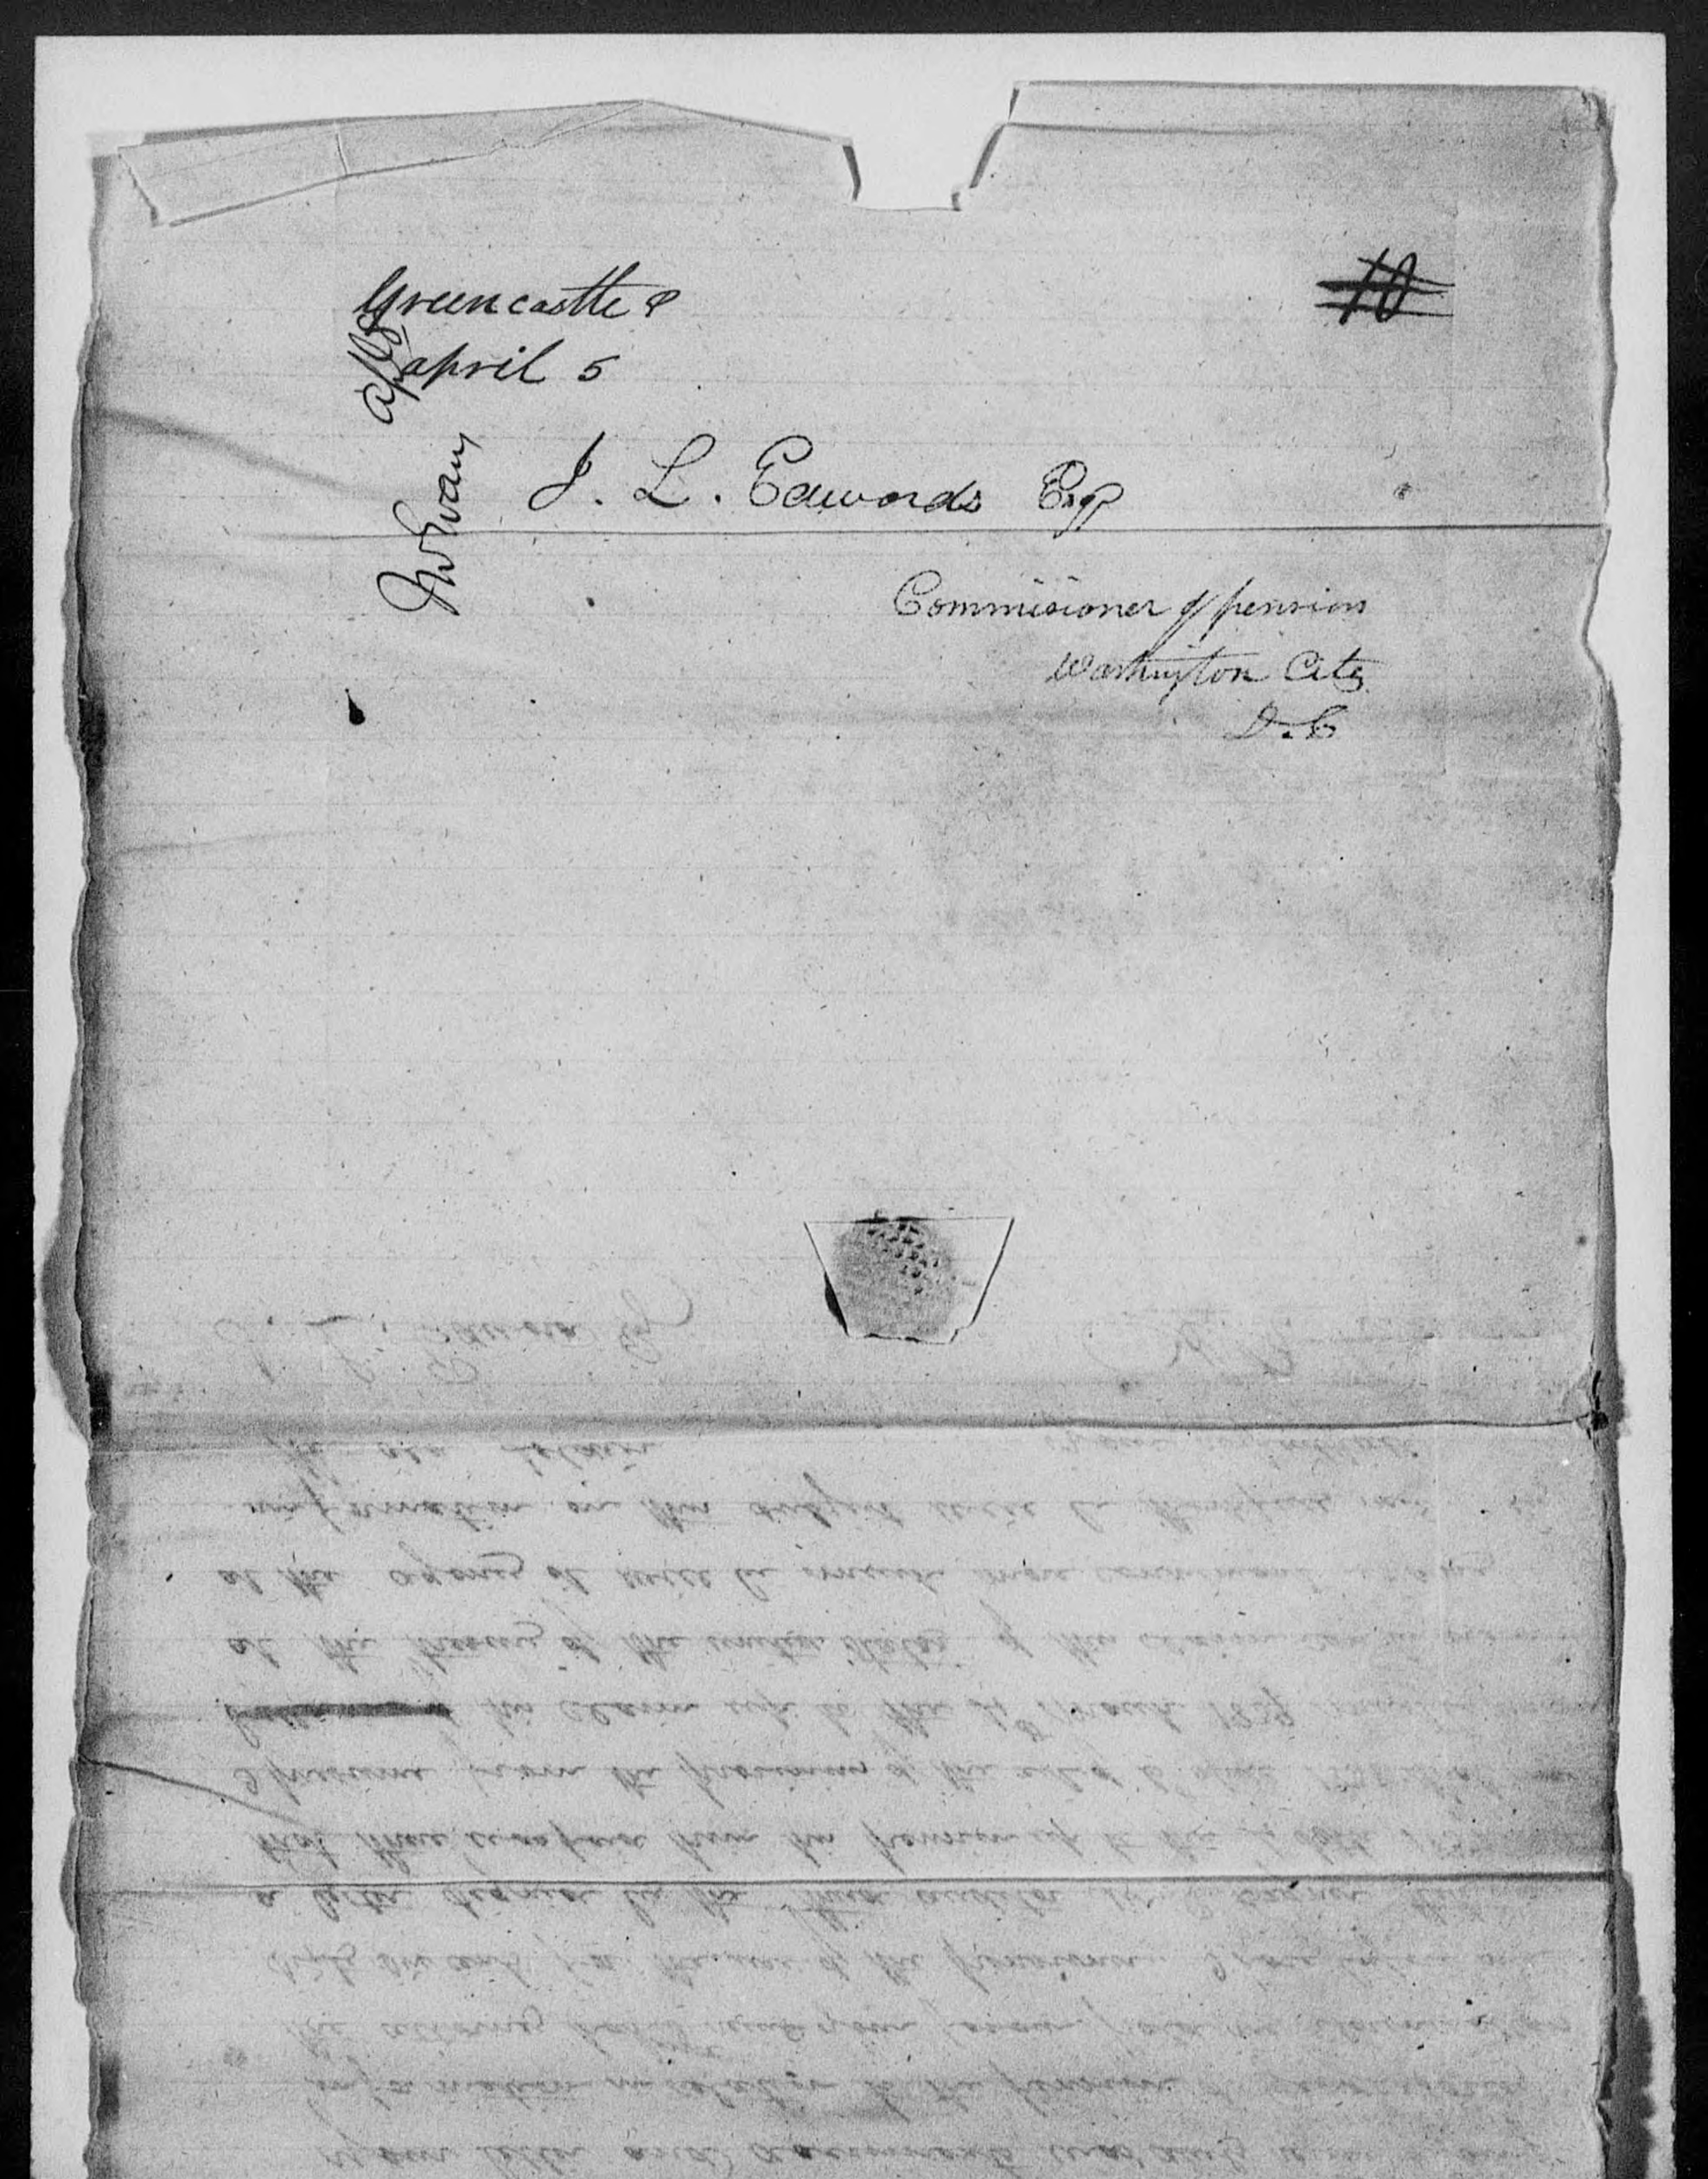Greencastle P
April 5
J.L. Edwards Esqr
Commisioner of pensions
Washington City
D.C.

[vertically on the left: JW Evans Apl 8]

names: Evans, J L Edwards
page: 21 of 22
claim: survivor's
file: S. 9,199, George Corley, Md.